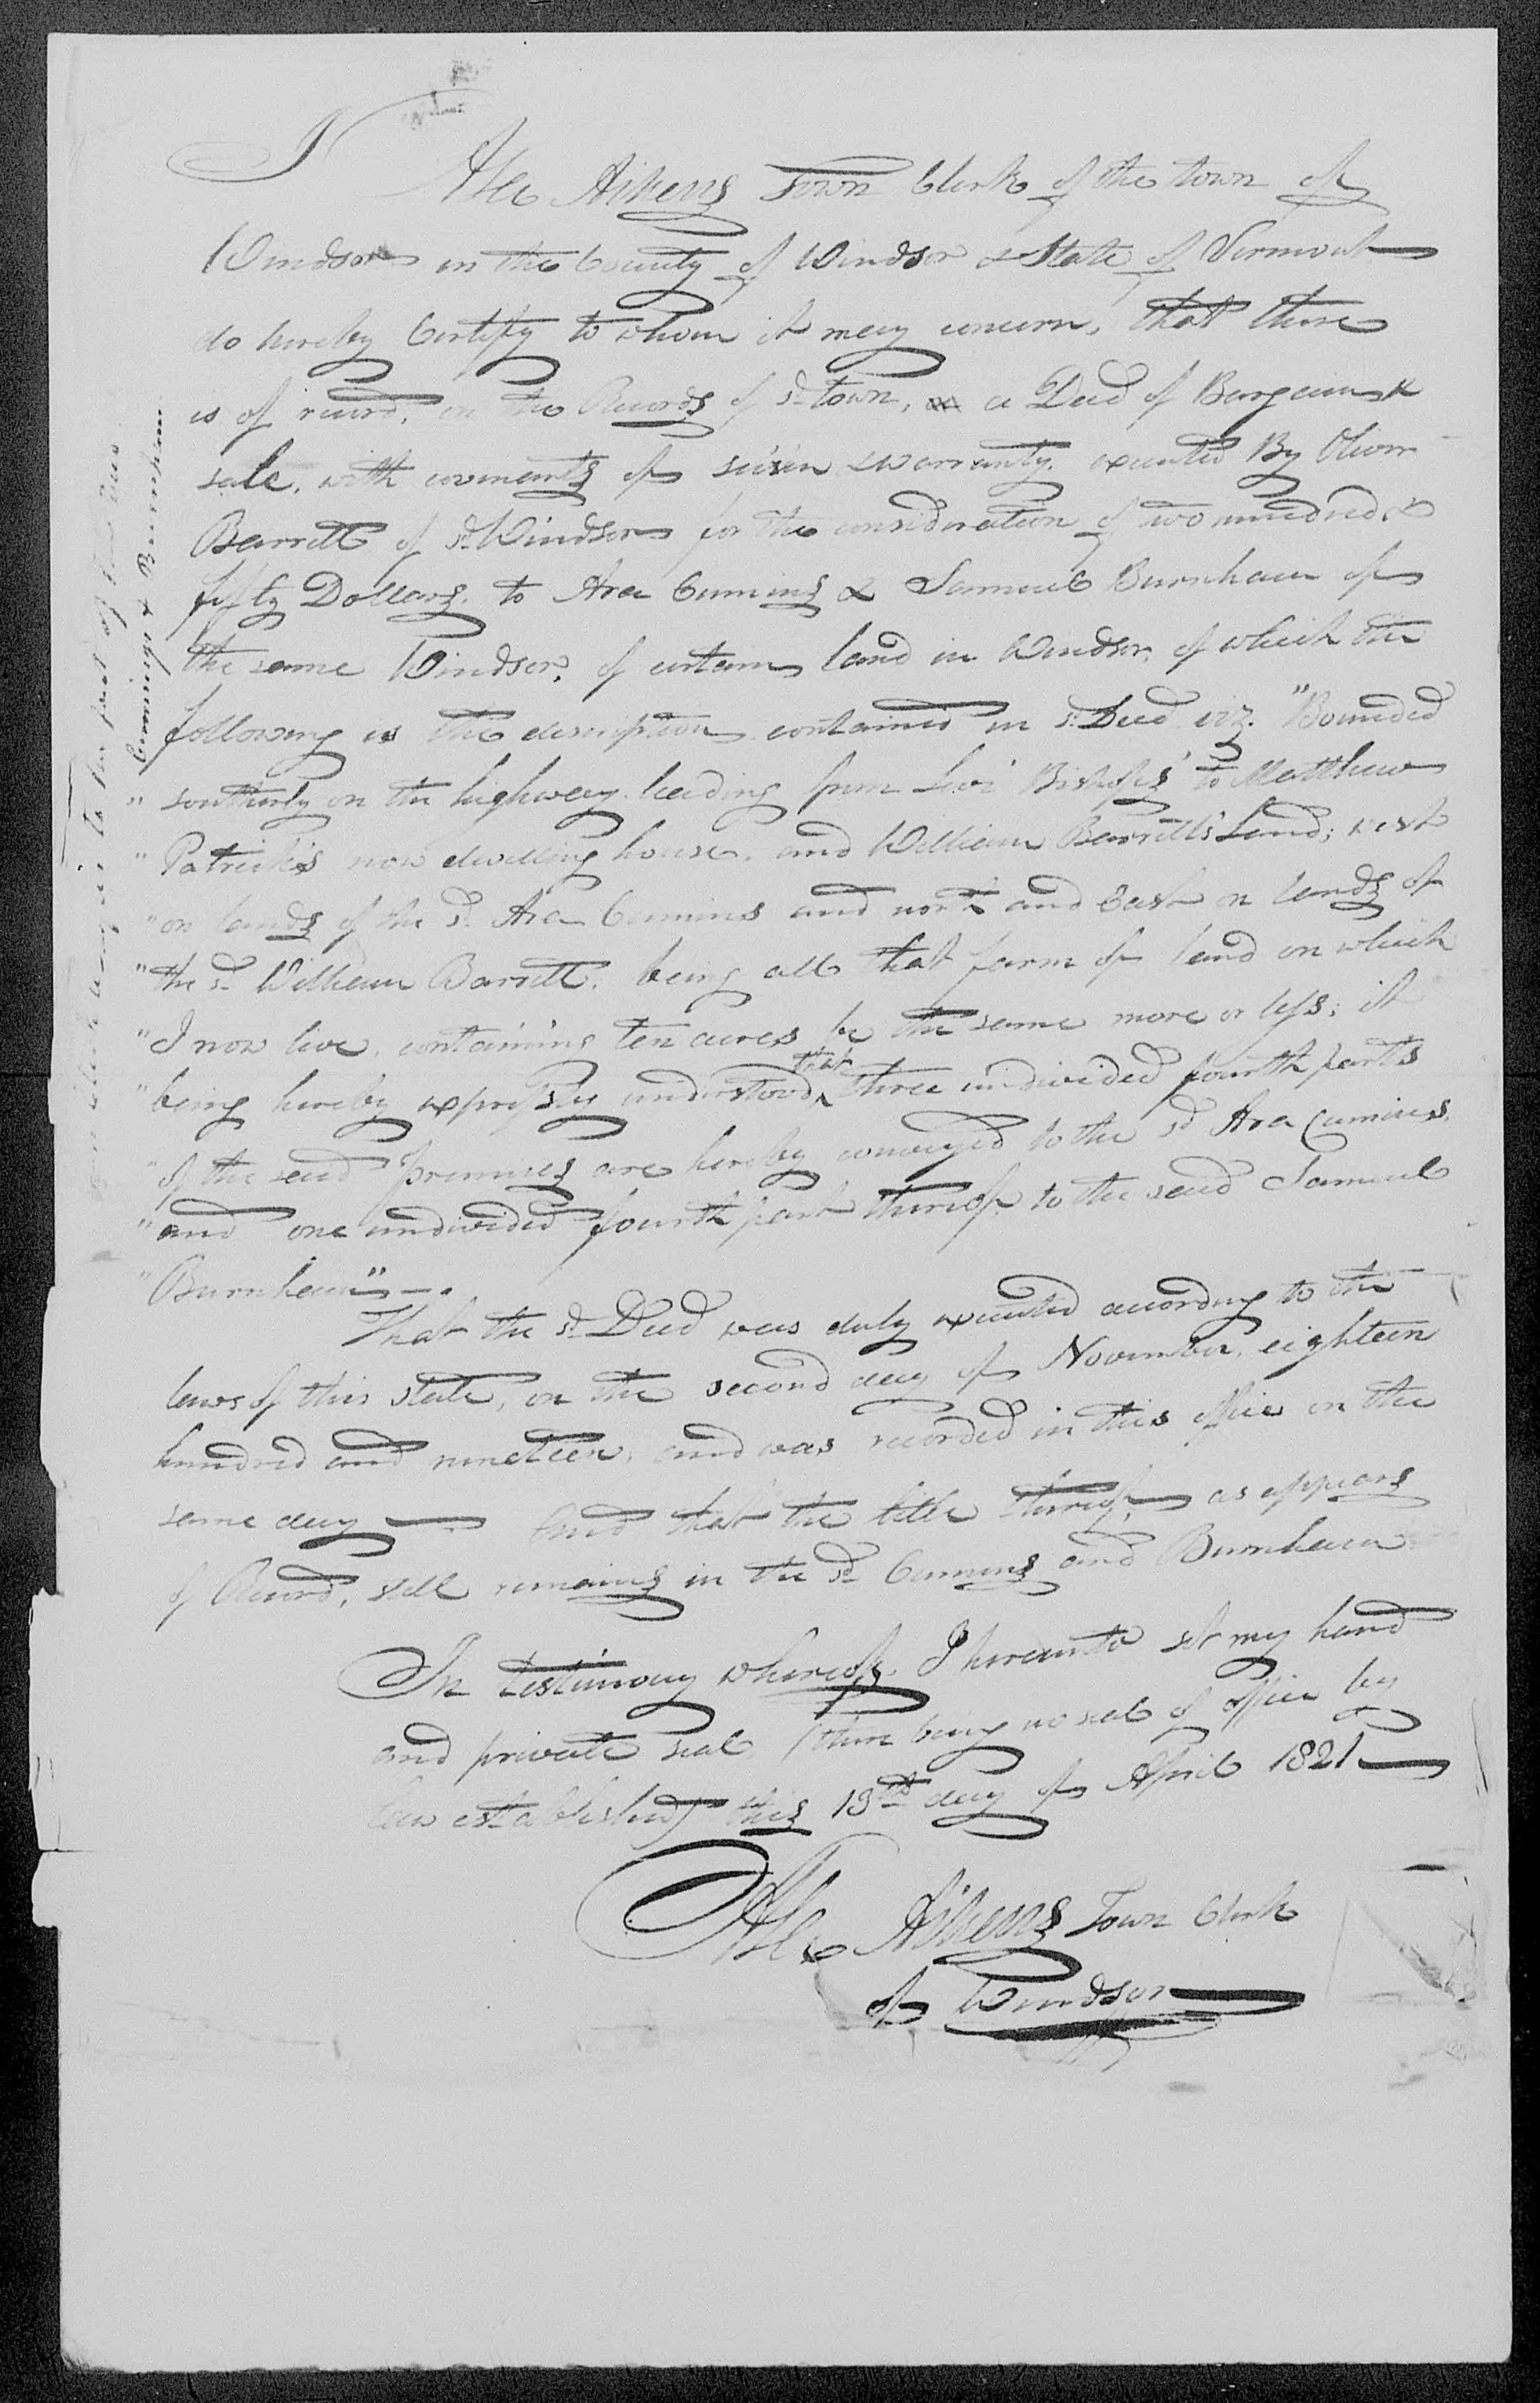I Alex Aikens Town Clerk of the town of Windsor in the County of Windsor and State of Vermont do hereby certify to whom it may concern, that there is of record in the Records of town a Deed of Bargains and sale with comments of session and warranty executed by Oliver Barrett of Windsor for the consideration of two hundred and fifty dollars to Asa Cummings and Samuel Burnham of the same Windsor, of custom land in Windsor of which  the following is the description contained in Deed viz " Bounded southerly on the highway heading from Levi Bishops to Matthew Patrick's now dwelling house and William Barret's Land"; rest on land of the Asa Cummings and worth and case on lands of the William Barrett being all that form of land on which I now live containing the acres be the same more or less it being hereby repressing understood that three undivided four part of the said premises are hereby conveyed to the Asa Cummings and one undivided fourth part through to the said Samuel Burnham. 
That the Deed was duly executed according to the laws of this state on the second day of November eighteen hundred and nineteen and was recorded in this office on the same day. And that the later through as appears by Record still remains in the Cummings and Burnham
In testimony whereof I hereunto set my hand and private seal there being no seal of office by here establishing this 13th day of April 1821. 
Alex Aikens Town Clerk 
of Windsor

to the first of land deed Cummings and Burnham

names: Samuel Burnham, Samuel Burnham, Burnham, William Barrett, Oliver Barrett, Ara Cumins, Ara Cumins, Ara Cumins, Alex Aikens, Matthew Patrick, Alex Aikens, Cumins, Burnham, Cunnings, William Barrett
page: 28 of 83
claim: widow's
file: W. 10,384, Oliver Barrett, Continental (Vt.) N.Y.